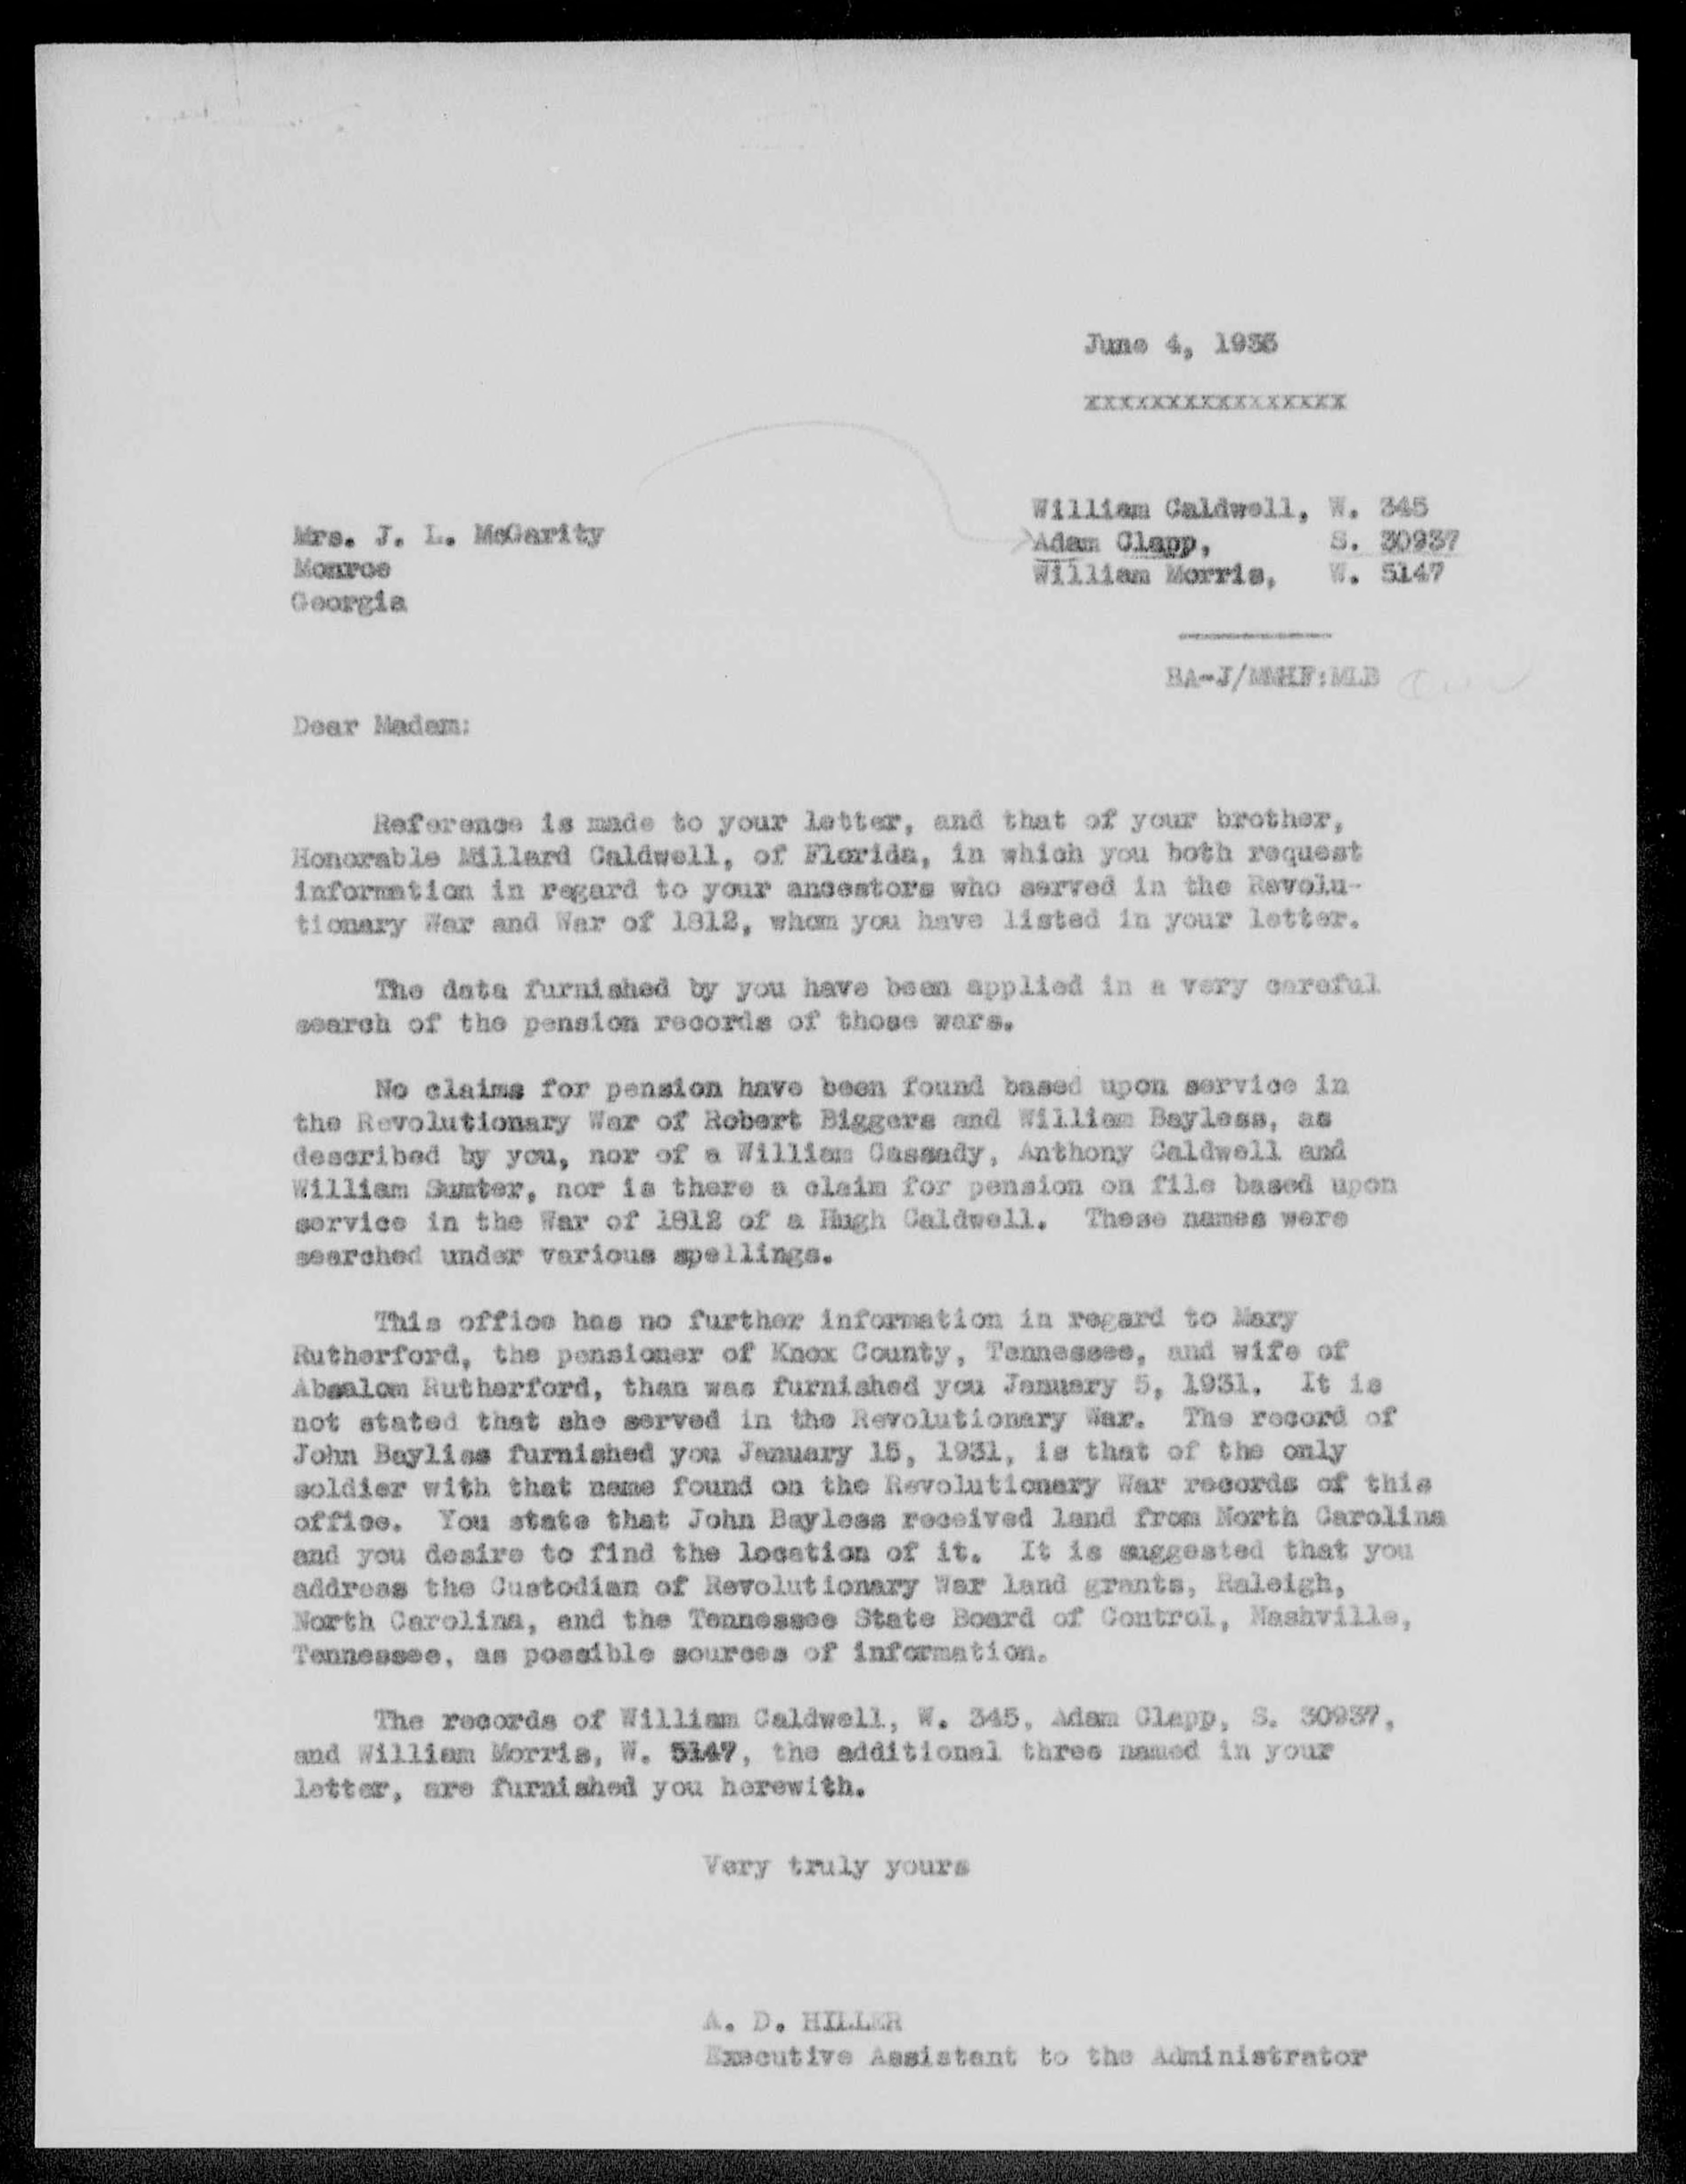June 4, 1936
xxxxxxxxxxxxxx
William Caldwell, W. 345
Adam Clapp, S. 30937
William Morris, W. 5147
BA-J/MMHF:MLB

Mrs. J. H. McGarity
Monroe
Georgia

Dear Madam:

Reference is made to your letter, and that of your brother,
Honorable Millard Caldwell, of Florida, in which you both request
information in regard to your ancestors who served in the Revolu-
tionary War and War of 1812, whom you have listed in your letter.

The data furnished by you have been applied in a very careful
search of the pension records of those wars.

No claims for pension have been found based upon service in
the Revolutionary War of Robert Biggers and William Bayless, as
described by you, nor of a William Cassady, Anthony Caldwell and
William Sumter, nor is there a claim for pension on file based upon
service in the War of 1812 of a Hugh Caldwell. These names were 
searched under various spellings.

This office has no further information in regard to Mary
Rutherford, the pensioner of Knox County, Tennessee, and wife of
Absalom Rutherford, than was furnished you January 5, 1931. It is
not stated that she served in the Revolutionary War. The record of
John Bayliss furnished you January 13, 1931, is that of the only
soldier with that name found on the Revolutionary War records of this
office. You state that John Bayless received land from North Carolina
and you desire to find the location of it. It is suggested that you
address the Custodian of Revolutionary War land grants, Raleigh,
North Carolina, and the Tennessee State Board of Control, Nashville,
Tennessee, as possible sources of information.

The records of William Caldwell, W. 345, Adam Clapp, S. 30937,
and William Morris, W. 5147, the additional three named in your
letter, are furnished you herewith.

Very truly yours

A. D. HILLER
Executive Assistant to the Administrator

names: John Bayliss, William Caldwell, William Saunter, William Caldwell, Adam Clapp, William Morris, Adam Clapp, Mary Rutherford, John Bayless, William Bayless, William Cassedy, Hugh Caldwell, William Morris, A D Hiller, Absalom Rutherford, Anthony Caldwell, J L Mc Garity, Robert Biggers, Millard Caldwell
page: 19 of 23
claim: survivor's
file: S. 30,937, Adam Clapp, N.C.